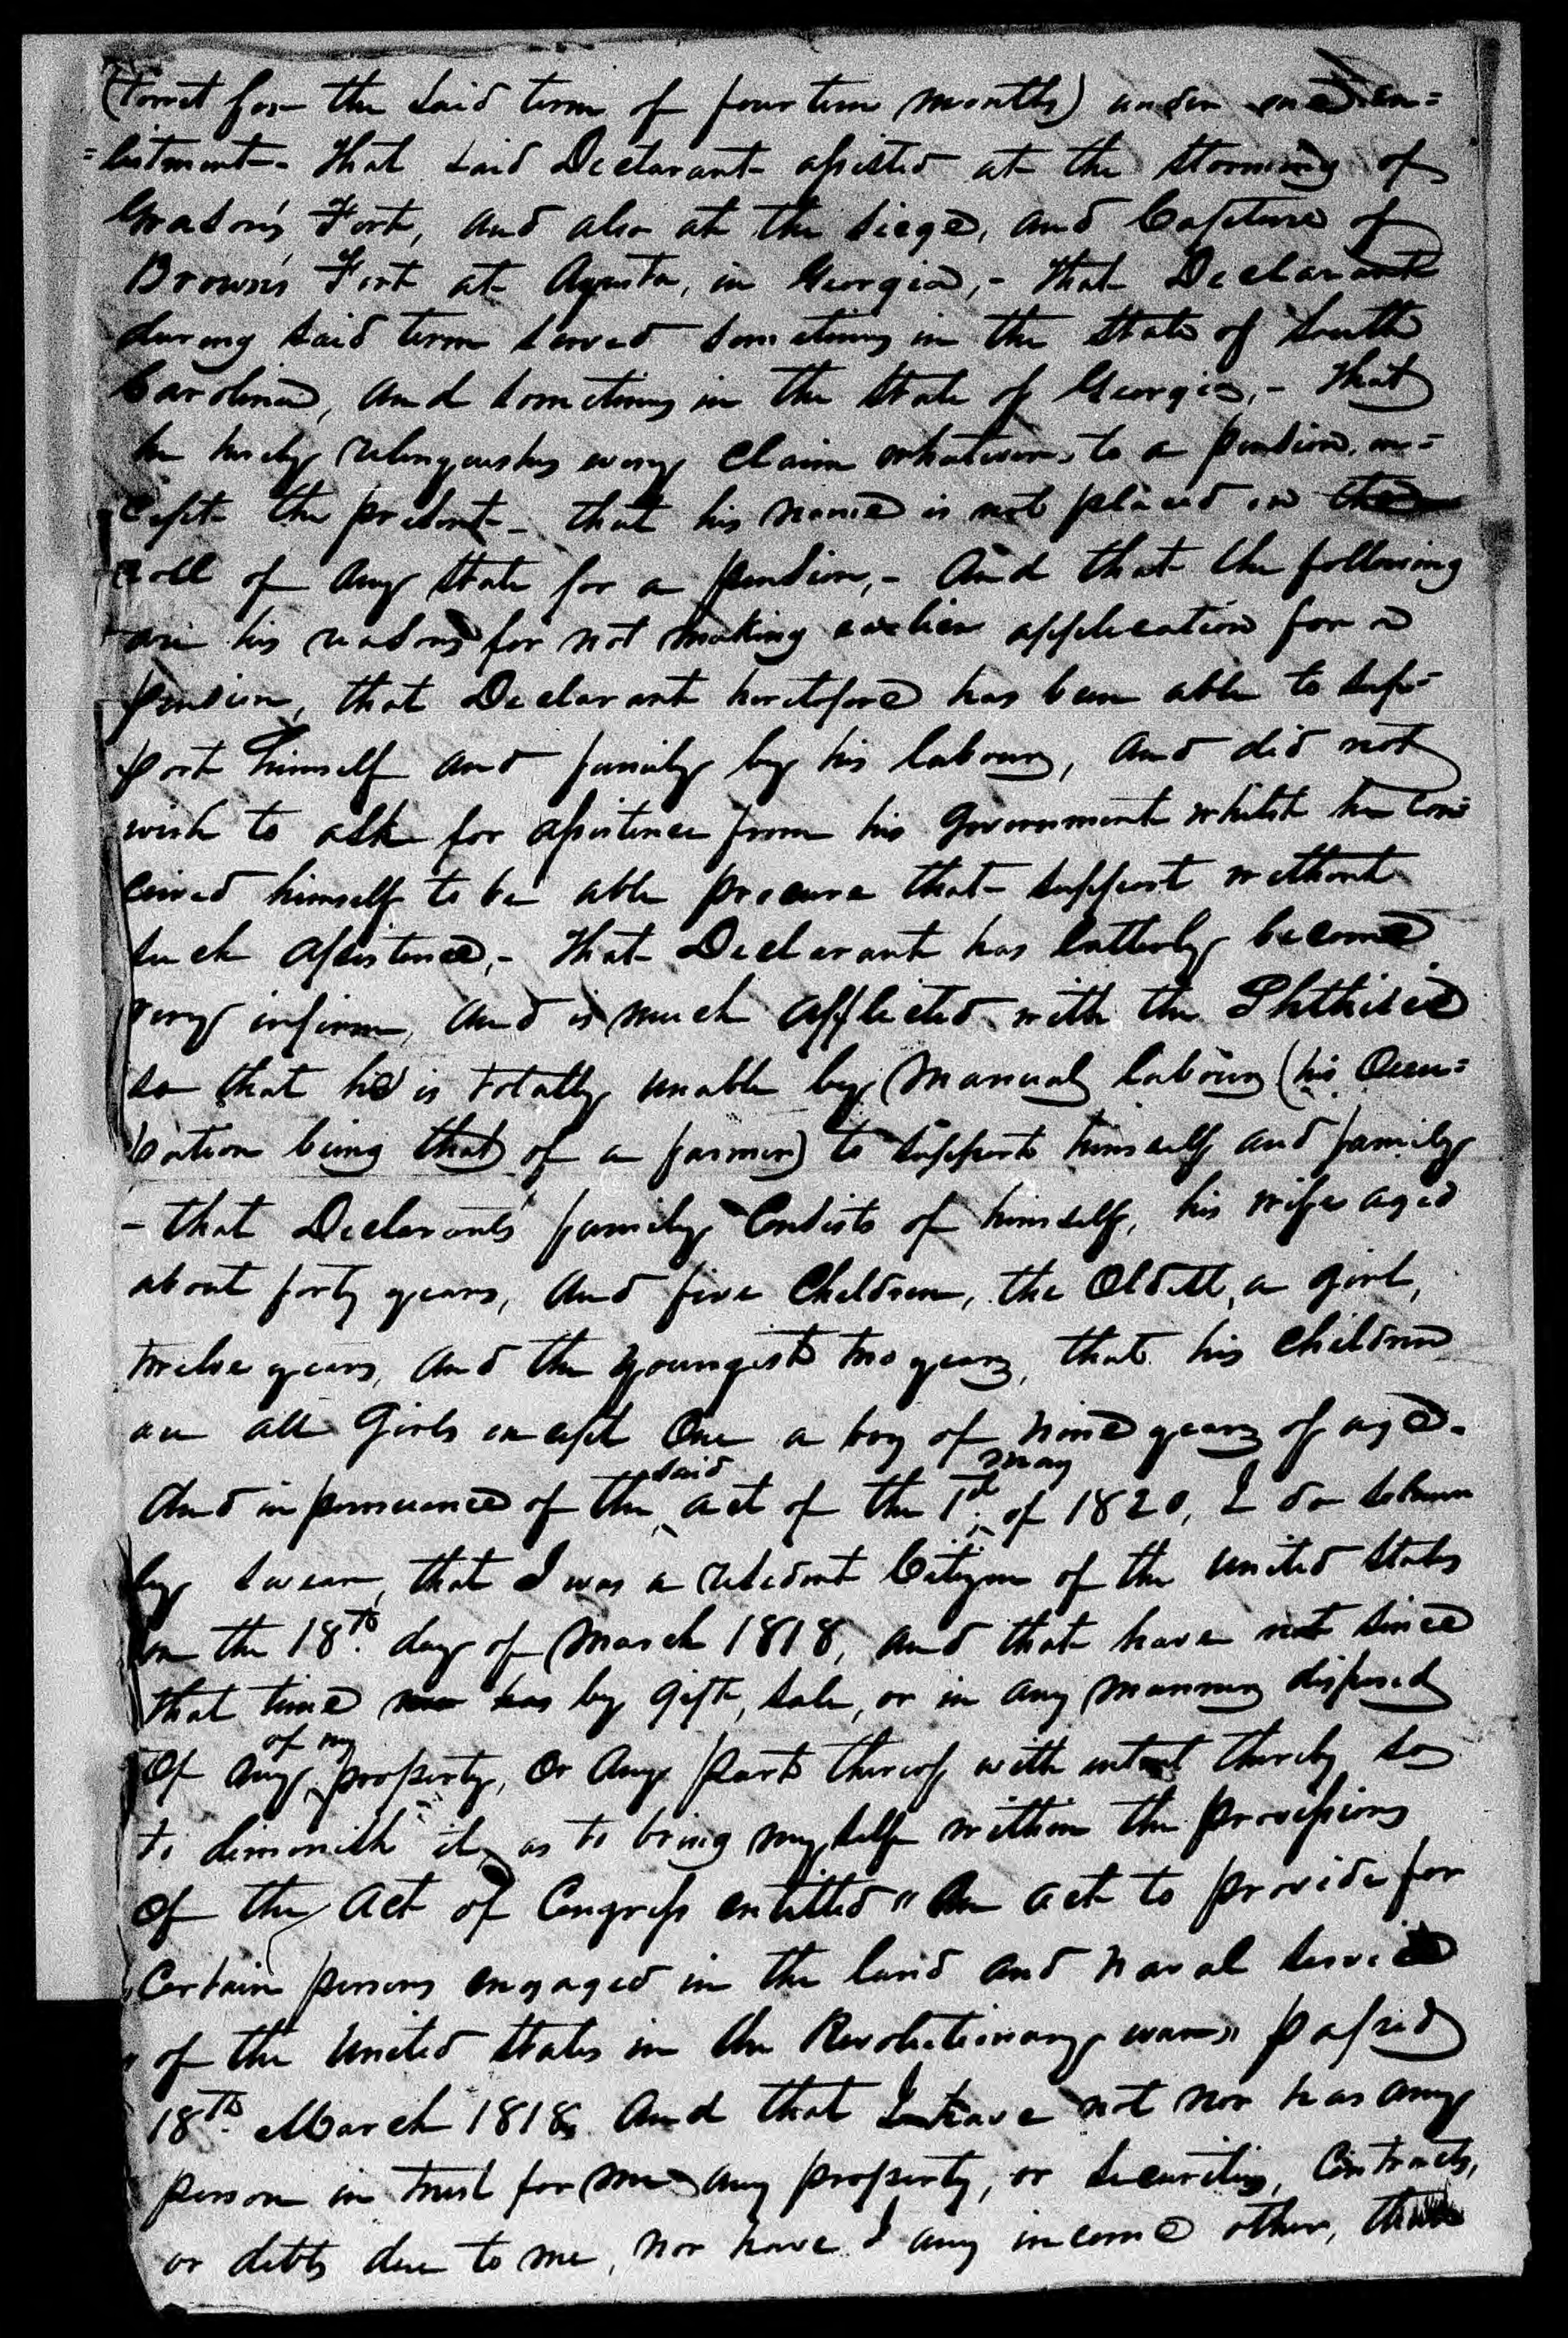([illegible] for the said term of fourteen months) under one en
listment.  That said Declarant assisted at the storming of 
Grason's Fort, and also at the siege, and capture of 
Brown's Fort at Augusta, in Georgia. That Declarant 
during said term served sometime in the State of South 
Carolina, and sometime in the State of Georgia. That 
he hereby relinquishes every claim whatever to a pension ex
cept the present. that his name is not placed on the 
roll of any State for a pension, And that the following 
are his reasons for not making earlier application for a 
pension, that Declarant heretofore has been able to sup
port himself and family by his labours [labors], and did not 
wish to ask for assistance from his government whilst he con
vinced himself to be able procure that support without 
such assistance.  That Declarant has latterly become 
very infirm, and is much afflicted with the Phlebitis  
so that he is totally unable by manual labouring [laboring] (his occu
pation being that of a farmer) to support himself and family 
that Declarants family consists of himself, his wife aged 
about forty years, and five children, the oldest, a girl, 
twelve years, and the youngest two years, that his children 
are all girls except one a boy of nine years of age. 
And in pursuance of the said act of the 1st May of 1820, I do solemn
ly swear that I was a resident citizen of the United States 
on the 18th. day of March 1818, and that have not since 
that time [struck out: nor has] by gift, sale, or in any manner disposed 
of any of my property, or any part thereof with intent thereby so 
to diminish it as to bring myself within the provisions 
of the act of Congress entitled "An act to provide for 
certain persons engaged in the land and naval services 
of the United States in the Revolutionary War" passed 
18th. March 1818. And that I have not nor has any 
person in trust for me any property, or securities, contracts, 
or debts due to me, nor have I any income other than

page: 22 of 115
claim: widow's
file: W. 1446, for John Mc Clung, South Carolina